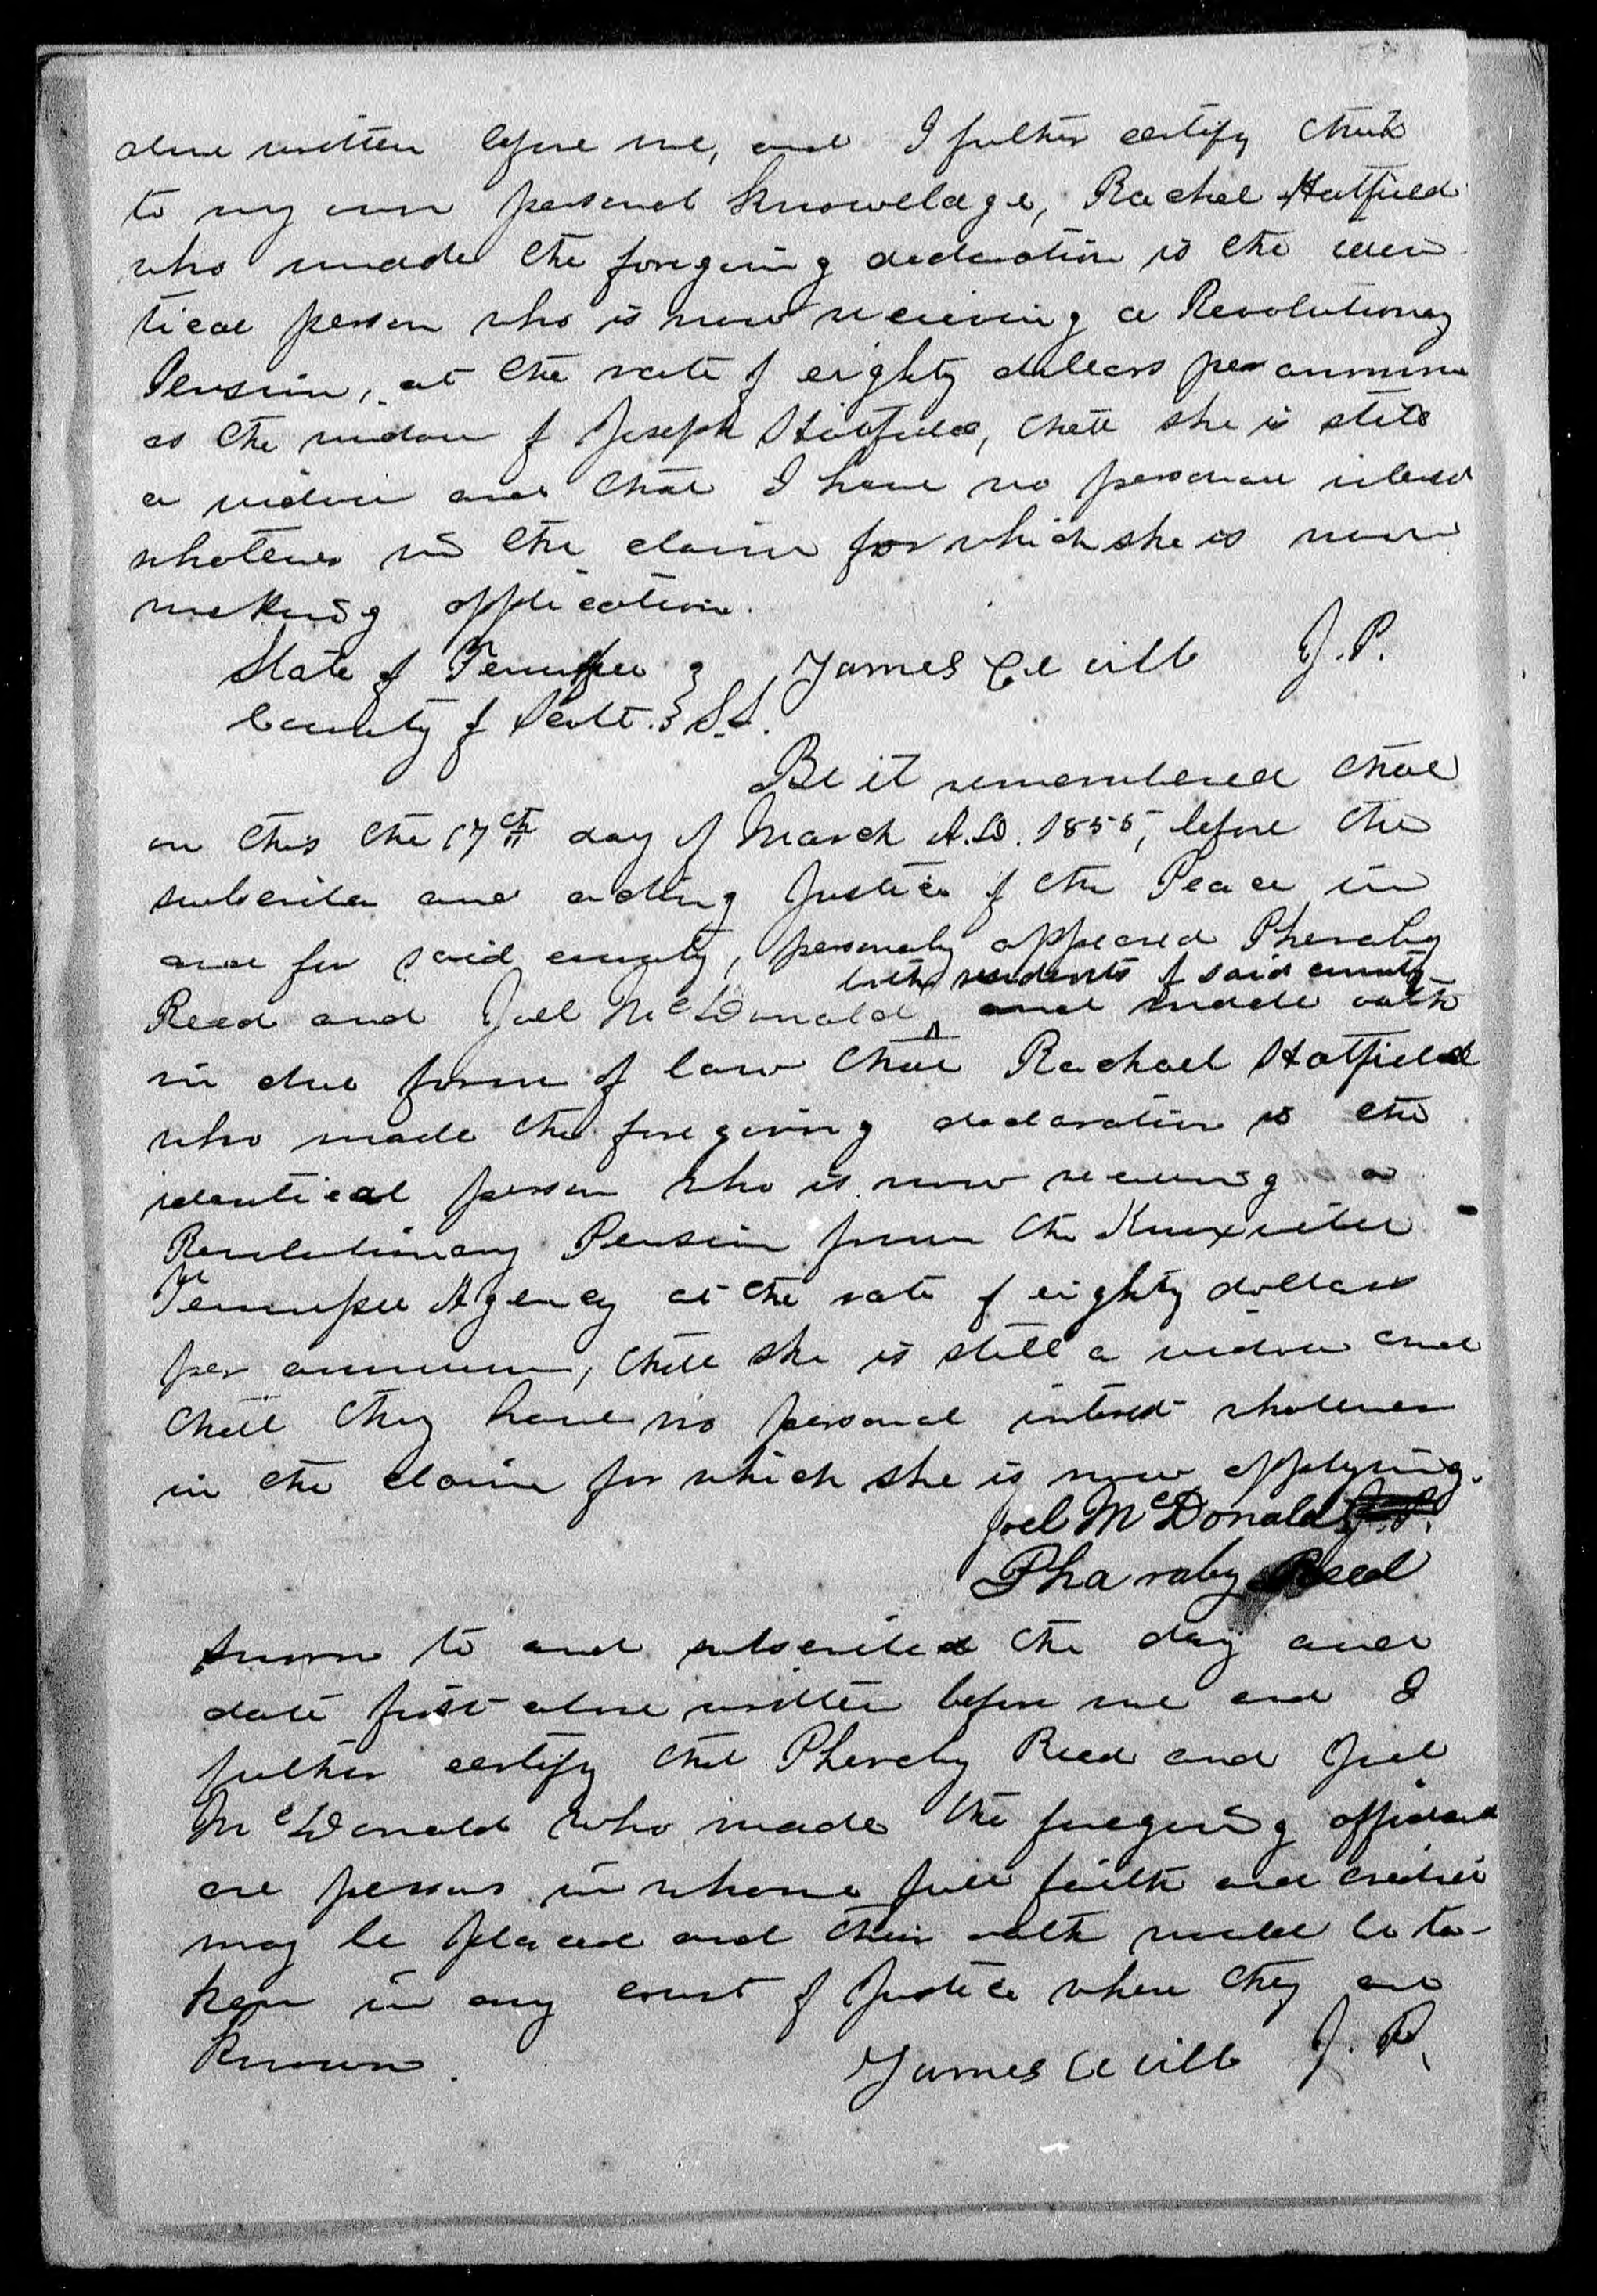above written before me, and I further certify that to my own personal knowledge, Rachael Hatfield who made the foregoing declaration is the identical person who is now receiving a Revolutionary Pension, at the rate of eighty dollars per annum as the widow of Joseph Hatfield, that she is still a widow and that I have no personal interest whatever to the claim for which she is now making application.
James Cecill J.P.

State of Tennessee
County of Scott }ss.   
Be it remembered that in this the 17th day of March A.D. 1855 before the subscriber and acting Justice of the Peace in and for said county, personally appeared Pharaby Reed and Joel McDonald, both residents of said county, and under oath in due form of law that Rachael Hatfield who made the foregoing declaration is the identical person who is now receiving the Revolutionary Pension from the Knoxville Tennessee Agency at the rate of eighty dollars per annum, that she is still a widow and that they have no personal interest whatever in the claim for which she is now applying.
Joel McDonald
Pharaby Reed
Sworn to and subscribed the day and date first above written before me and I further certify that Pharaby Reed and Joel McDonald who made the foregoing affidavit are persons in whom full faith and credit may be placed and their oath made to be taken in any court of Justice where they are known.
James Cecill J. P.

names: Joseph Hatfield, James Cecill, Rachel Hatfield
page: 8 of 74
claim: widow's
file: W. 5, Joseph Hatfield, Va.